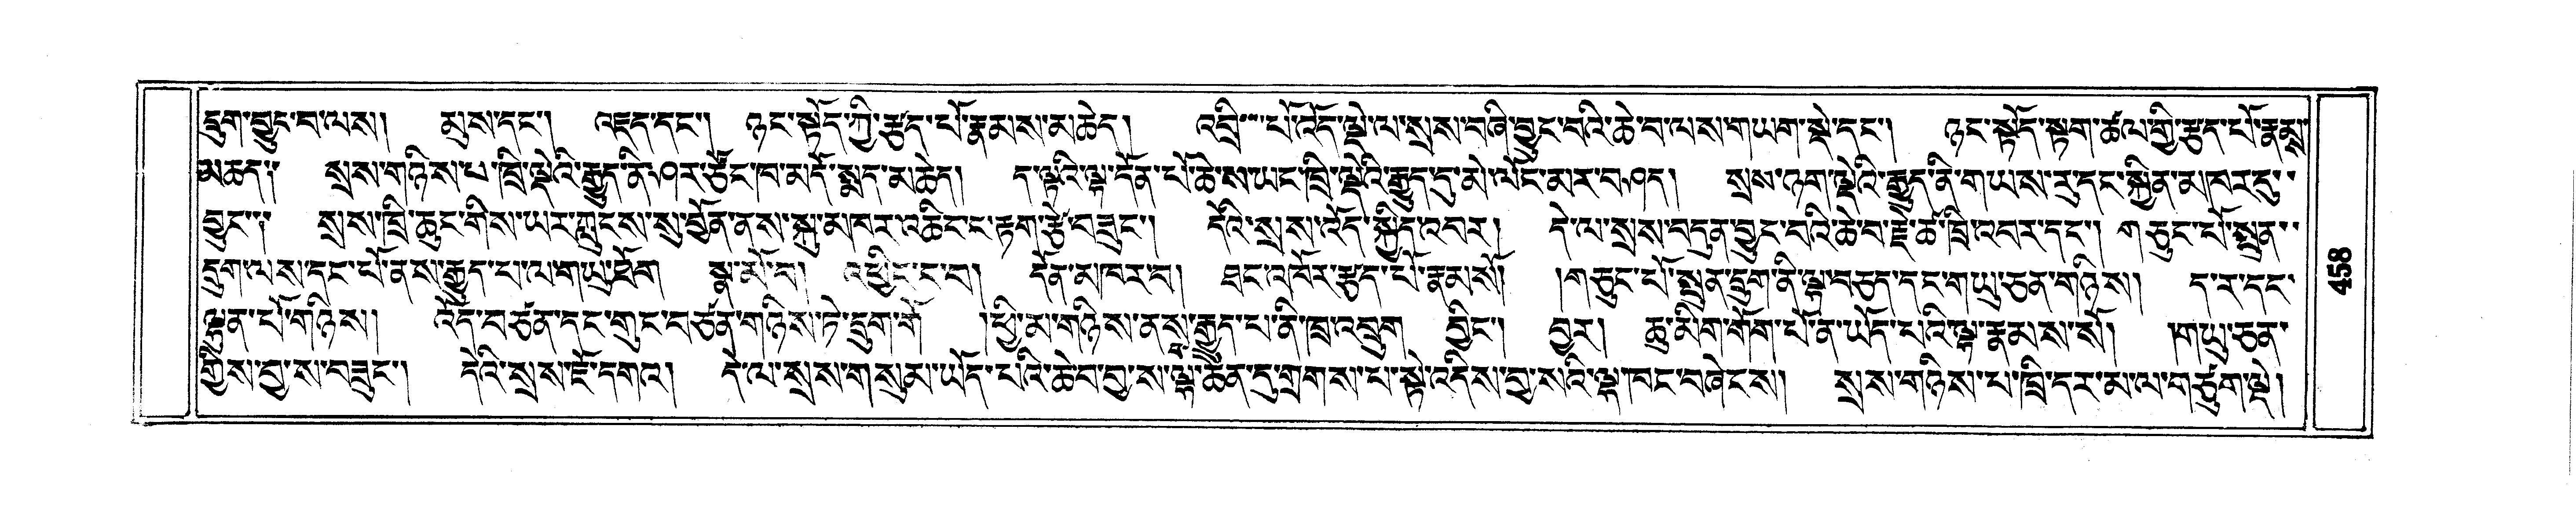དྲུག་བྱུང་བ་ལས། མུས་དང་། འཇད་དང་། ཉང་སྟོད་ཀྱི་རྩད་པོ་རྣམས་མཆེད། འབྲི་པོ་འོད་ལྡེ་ལ་སྲས་བཞི་བྱུང་བའི་ཆེ་བ་ལས་གཡག་སྡེ་དང་། ཉང་སྟོད་སྟག་ཚལ་གྱི་རྩད་པོ་རྣམས་
མཆད༑ སྲས་གཉིས་པ་ཁྲི་ལྡེའི་རྒྱུད་ནི་ཤར་ཙོང་ཁ་མདོ་སྨད་མཆེད། ད་ལྟའི་ལྷ་དོན་པོ་ཆེ་ས་ཡང་ཁྲིའི་རྒྱུད་དུ་མེ་ལོང་མར་བཤད། སྲས་ཉག་ལྡེའི་རྒྱུད་ནི་གཡས་རུ་དང་སྐྱིན་མཁར་དུ་
བྱུང༑ སྲས་ཁྲི་ཆུང་གིས་ཡར་ཀླུངས་སུ་བྱོན་ནས་སྐུ་མཁར་འཆིང་ང་རྟག་རྩེ་བཟུང་། དེའི་སྲས་འོད་སྐྱིད་འབར། དེ་ལ་སྲས་བདུན་བྱུང་བའི་ཆེ་བ་རྗེ་ཚ་ཁྲི་འབར་དང་། གཅུང་པོ་སྤུན་
དྲུག་ལས་དང་པོ་ནས་རྒྱུད་པ་ལ་གཡུ་ཐོག །སྣ་མོ་བ། འཕྱིང་ང་བ། དོན་མཁར་བ། ཐང་འཁོར་རྩད་པོ་རྣམྶོ། །གཅུང་པོ་སྤུན་དྲུག་ནི་ལྷ་བཅད་དང་གཡུ་ཅན་གཉིས། ད་ར་དང་
ལྷུན་པོ་གཉིས། འོད་བཙན་དང་གུང་བཙན་གཉིས་ཏེ་དྲུག་གོ། ཕྱི་མ་གཉིས་ནས་རྒྱུད་པ་ནི་ཁྲུ་འབྲུག །བྱིང་། བྱར། ཆུ་མིག་གོག་པོ་ན་ཡོད་པའི་ལྷ་རྣམས་སོ། །གཡུ་ཅན་
གྱིས་བྱ་ས་བཟུང་། དེའི་སྲས་ཇོ་དགའ། དེ་ལ་སྲས་གསུམ་ཡོད་པའི་ཆེ་བ་བྱ་ས་ལྷ་ཆེན་དུ་གྲགས་པ་སྟེ་འདིས་བྱ་སའི་ལྷ་ཁང་བཞེངས། སྲས་གཉིས་པ་ཁྲི་དར་མ་ལ་གཙུག་ལྡེ།